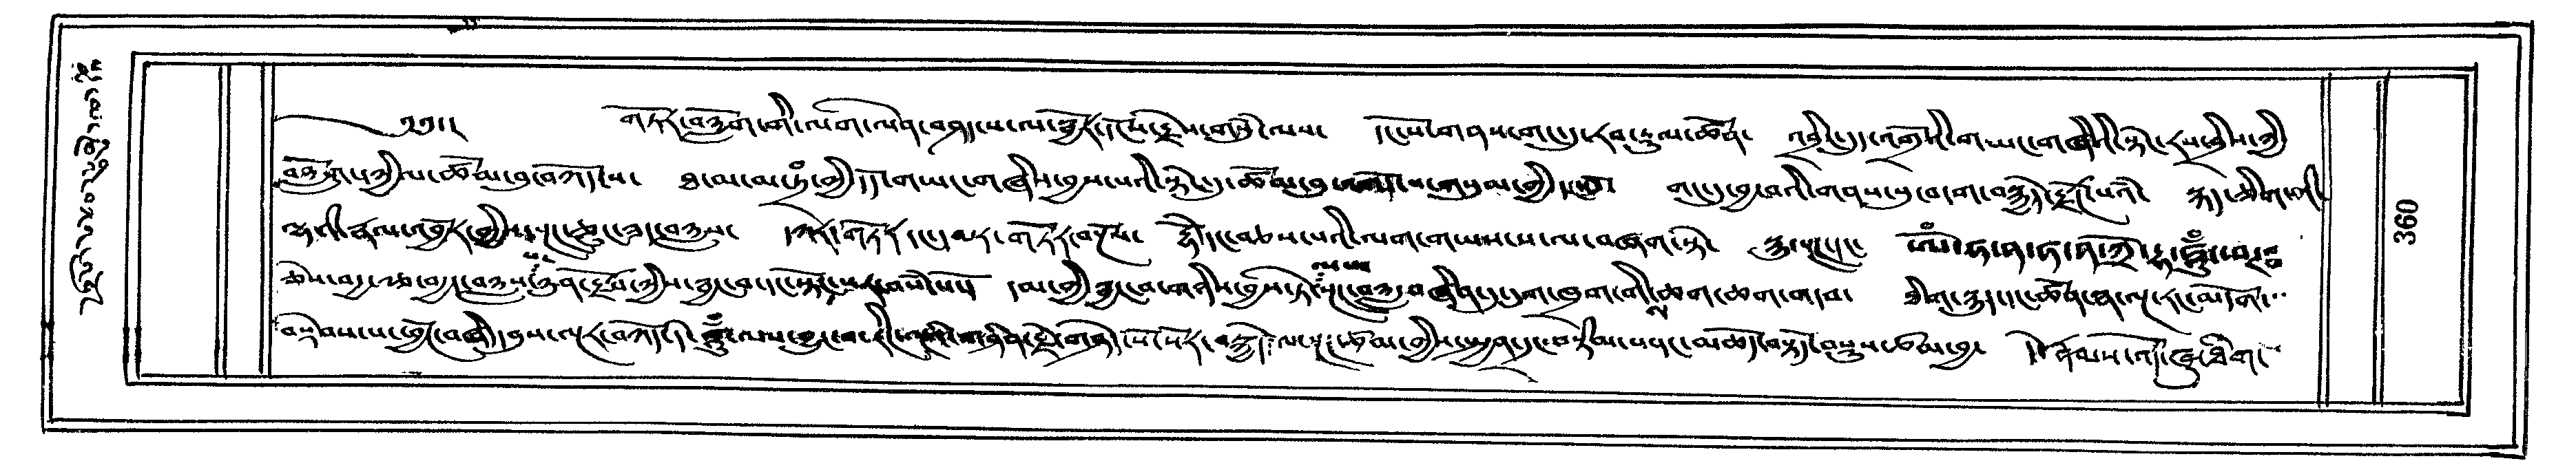གཏོར་བཟློག་གི་ལག་ལེན་བཤད་པ་ལ་སྦྱོར་དངོས་རྗེས་གསུམ་ལས། དང་པོ་གནས་ཁང་དུ། རབ་རྡུལ་ཚོན། འབྲིང་དུད་འགྲོའི་གཡང་གཞིའི་སྟེང་རས་བྲིས་ཀྱི་
བཟློག་དཀྱིལ་ཚོམ་བུ་བཀོད་པ། ཐ་མ་མ་ཏྲཾ་གྱི་དོད་གཡང་གཞིས་བྱས་པའི་སྟེང་དུ་ཚོམ་བུ་འགོད་པ་གསུམ་གྱི་དང་པོ། གང་དུ་བྱ་བའི་གནས་སུ་བདག་བསྐྱེད་རྫོགས་པའམ། སྐད་ཅིག་གི་
ལྷའི་རྣལ་འབྱོར་གྱིས་སྔགས་ཅུང་ཟད་བཟླས། དཀར་གཏོར་དང་དམར་གཏོར་བསྔོས། རྡོ་རྗེ་དང་བཅས་པའི་ལག་གཡས་ས་ལ་བཞག་སྟེ། སྐུ་སྔགས་དང་། ཨོཾ་ཧ་ན་ཧ་ན་ཀྲོ་དྷ་ཧཱུྂ་ཕཊཿ 
ཅེས་བརྒྱད་རྩ་བརྒྱ་བཟླས་པ་ཀུན་རྫོབ་ཀྱིས་སྦྱང་བ་དང་། སྟོང་པར་བསམ་པ་དོན་དམ་གྱིས་སྦྱང་བ་གཉིས་བྱས་ཏེ་ལས་སྔགས་བཟླ་བཞིན་དུ་དུག་ཁྲག་གིས་ཆག་ཆག་གདབ། ཐིག་སྐུད་དང་ཚོན་སྣ་ལྔ་རང་མདོག་
བསྡེབས་པ་ཕྱོགས་བཞི་དབུས་ལྔར་བཀོད་དེ་ཧཱུྃ་ལས་བྱུང་བ་རིགས་ལྔའི་གཤིན་རྗེ་གཤེད་སོ་སོར་བསྐྱེད་ལ་སྔགས་ཙམ་གྱིས་སྤྱན་དྲང་བསྟིམ་པ་དང་མཆོད་བསྟོད་བསྡུས་ཙམ་བྱ། དེ་རྣམས་འོད་ཞུ་ཐིག